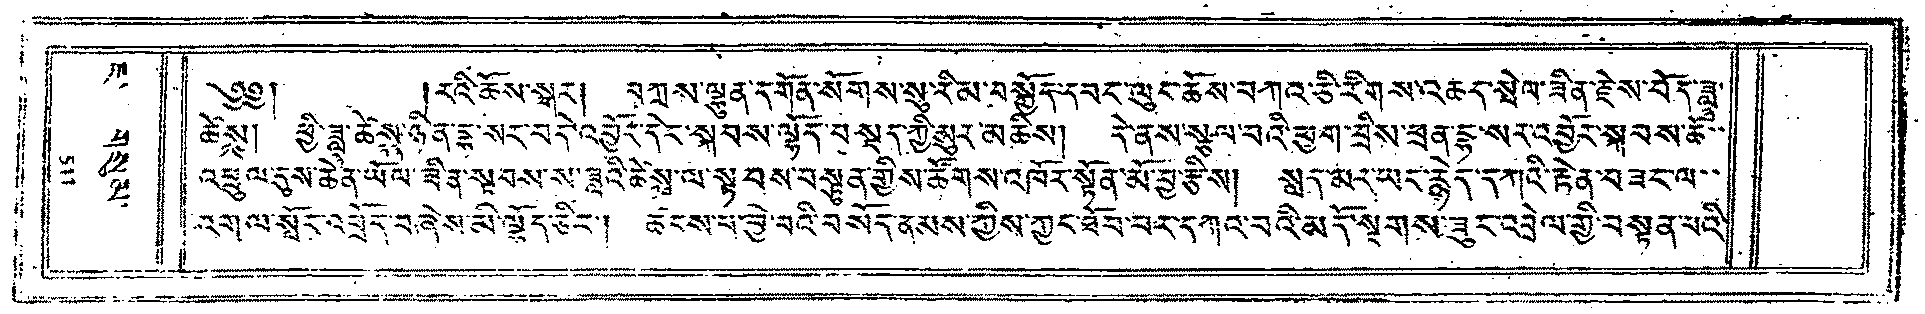༄༅། །རའི་ཆོས་སྒར། བཀྲས་ལྷུན་དགོན་སོགས་སུ་རིམ་བསྐྱོད་དབང་ལུང་ཆོས་བཀའ་ཅི་རིགས་འཆད་སྤེལ་ཟིན་རྗེས་བོད་ཟླ ༢
ཚེས ༡༤། ཕྱི་ཟླ ༣་ཚེས ༢༣་ཉིན་དྷ་སར་བདེ་འབྱོར་དེང་སྐབས་ལྷོད་བསྡད་ཀྱི་མུར་མཆིས། དེ་ནས་སྩལ་བའི་ཕྱག་བྲིས་ཕྲན་དྷ་སར་འབྱོར་སྐབས་ཆོ་
འཕྲུལ་དུས་ཆེན་ཡོལ་ཟིན་སྟབས་ས་ཟླའི་ཚེས ༡༠་ལ་སྟབས་བསྟུན་གྱིས་ཚོགས་འཁོར་སྟོན་མོ་བྱ་རྩིས། སླད་མར་ཡང་རྙེད་དཀའི་རྟེན་བཟང་ལ་
འགལ་སྤོང་འཕྲོད་བཞེས་མི་ལྷོད་ཅིང་། ཚངས་པ་བྱེ་བའི་བསོད་ནམས་ཀྱིས་ཀྱང་ཐོབ་པར་དཀའ་བའི་མདོ་སྔགས་ཟུང་འབྲེལ་གྱི་བསྟན་པའི་